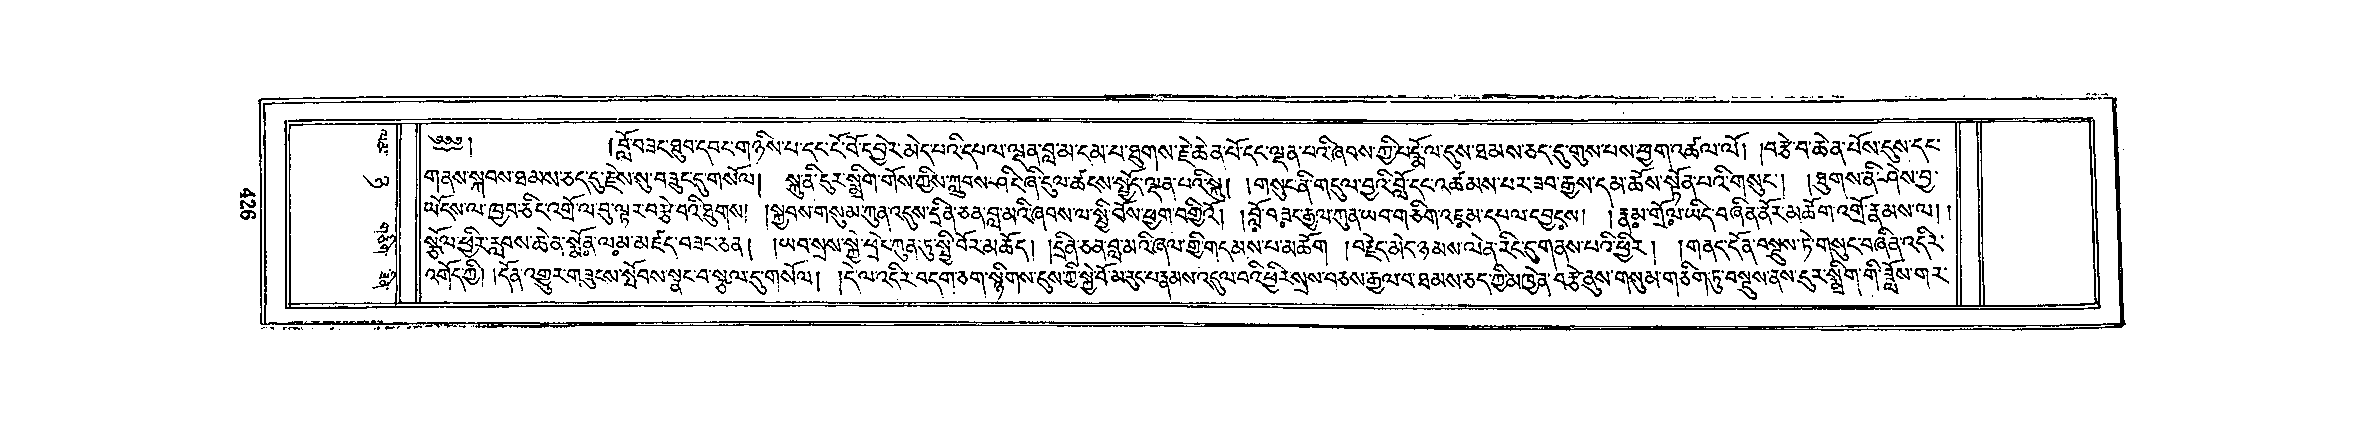༄༅། །བློ་བཟང་ཐུབ་དབང་གཉིས་པ་དང་ངོ་བོ་དབྱེར་མེད་པའི་དཔལ་ལྡན་བླ་མ་དམ་པ་ཐུགས་རྗེ་ཆེན་པོ་དང་ལྡན་པའི་ཞབས་ཀྱི་པདམོ་ལ་དུས་ཐམས་ཅད་དུ་གུས་པས་ཕྱག་འཚལ་ལོ། །བརྩེ་བ་ཆེན་པོས་དུས་དང་
གནས་སྐབས་ཐམས་ཅད་དུ་རྗེས་སུ་བཟུང་དུ་གསོལ། སྐུ་ནི་ངུར་སྨྲིག་གོས་ཀྱིས་ཀླུབས་ཤིང་ཞི་དུལ་ཚངས་སྤྱོད་ལྡན་པའི་སྐུ། །གསུང་ནི་གདུལ་བྱའི་བློ་དང་འཚམས་པར་ཟབ་རྒྱས་དམ་ཆོས་སྟོན་པའི་གསུང་། །ཐུགས་ནི་ཤེས་བྱ་
ཡོངས་ལ་ཁྱབ་ཅིང་འགྲོ་ལ་བུ་ལྟར་བརྩེ་བའི་ཐུགས། །སྐྱབས་གསུམ་ཀུན་འདུས་དྲིན་ཅན་བླ་མའི་ཞབས་ལ་སྤྱི་བོས་ཕྱག་བགྱིའོ། །བློ་བཟང་རྒྱལ་ཀུན་ཡབ་གཅིག་འཇམ་དཔལ་དབྱངས། །རྣམ་གྲོལ་ཡིད་བཞིན་ནོར་མཆོག་འགྲོ་རྣམས་ལ། །
སྩོལ་ཕྱིར་རླབས་ཆེན་སྨོན་ལམ་མཛད་བཟང་ཅན། །ཡབ་སྲས་སྐྱེ་ཕྲེང་ཀུན་ཏུ་སྤྱི་བོར་མཆོད། །དྲིན་ཅན་བླ་མའི་ཞལ་གྱི་གདམས་པ་མཆོག །བརྗེད་མེད་ཉམས་ལེན་རིང་དུ་གནས་པའི་ཕྱིར། །གནད་དོན་བསྡུས་ཏེ་གསུང་བཞིན་འདིར་
འགོད་ཀྱི། །དོན་འགྱུར་གཟུངས་སྤོབས་སྣང་བ་སྩལ་དུ་གསོལ། །དེ་ལ་འདིར་བདག་ཅག་སྙིགས་དུས་ཀྱི་སྐྱེ་བོ་མ་རུང་པ་རྣམས་འདུལ་བའི་ཕྱིར་སྲས་བཅས་རྒྱལ་བ་ཐམས་ཅད་ཀྱི་མཁྱེན་བརྩེ་ནུས་གསུམ་གཅིག་ཏུ་བསྡུས་ནས་ངུར་སྨྲིག་གི་ཟློས་གར་